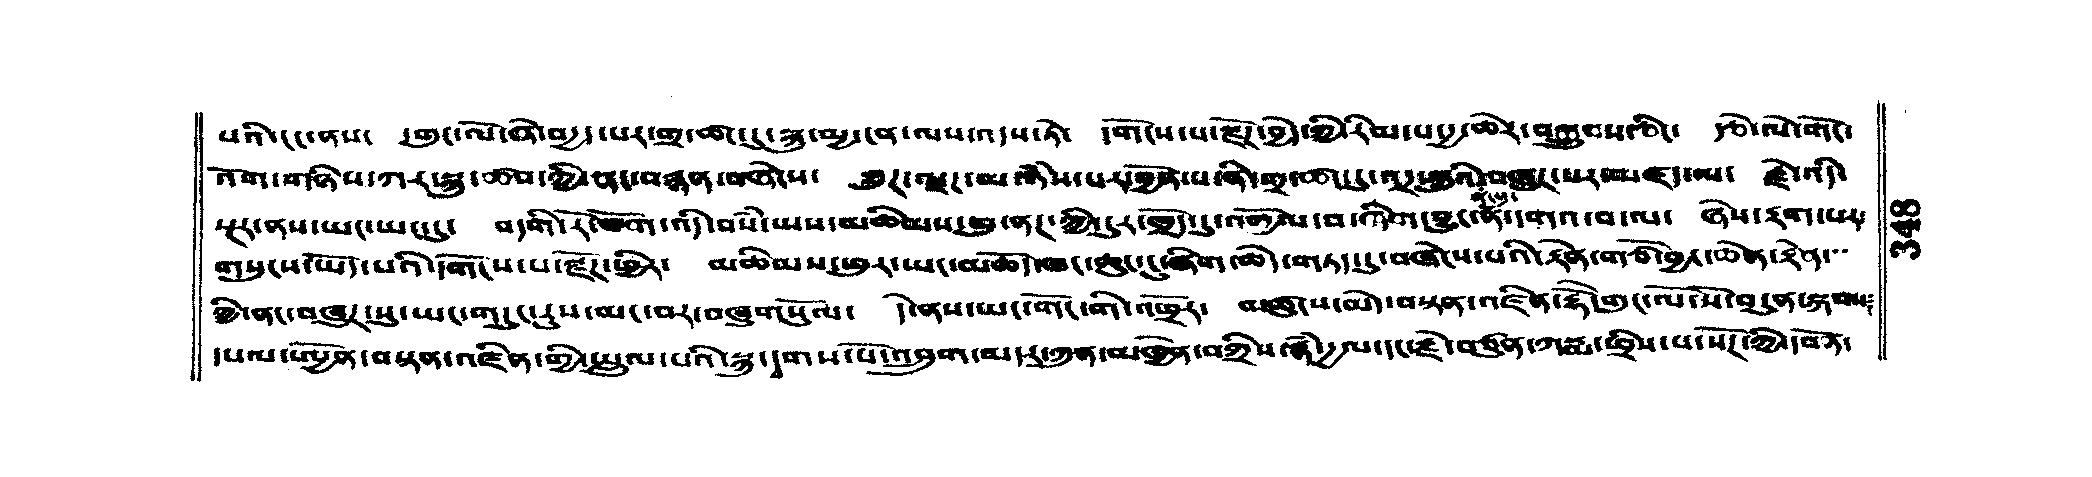པའི་ངང་ནས། དགུང་ལོ་ཞེ་བརྒྱད་པར་གྲྭ་ཚང་དུ་སྐུ་མྱ་ངན་ལས་འདས་ཏེ། དགོངས་པ་རྫོགས་བྱེད་ཀྱི་རིམ་པ་རྒྱ་ཆེར་བསྒྲུབས་ཤིང་། རྩེ་ལེ་གོང་
འོག་གཉིས་ཀར་སྐུ་ཚབ་ཀྱི་སྣང་བརྙན་བཞེངས། ཐུགས་ལྗགས་མ་ཉམས་པར་བྱོན་པ་ནི་གྲྭ་ཚང་དུ་འདྲ་སྐུའི་ནང་དུ་བཞུགས་པར་མཛད་ལ། རྗེ་འདི་
སྔར་ནས་ཡང་ཡང་དུ། བདག་གི་རོ་ཁོག་འདི་བསམ་ཡས་མཆིམས་ཕུ་ནགས་ཀྱི་དུར་ཁྲོད་དུ་འཁྱོལ་བ་ཞིག་བྱུང་ན་དགའ་བ་ལ། ཞེས་རྟག་པར་
གསུངས་ཡོད་པའི་དགོངས་པ་རྫོགས་ཕྱིར། མཆིམས་ཕུར་ཡང་མཆོད་ཁང་ཆུང་ངུ་ཞིག་ཆེད་གཏད་དུ་བཞེངས་པའི་རྟེན་གཙོ་བྱང་ཆེན་རྟེན་
ཀྱི་ནང་བཞུགས་སུ་ཡང་གདུང་རུས་མང་བར་བཞུགས་སུ་གསོལ། དེ་ནས་ཡང་གོང་གི་འཕྲོར། མཚུངས་མེད་བསྟན་འཛིན་རྡོ་རྗེ་དགུང་ལོ་སོ་བདུན་སྐབས་
དཔལ་ཨོ་རྒྱན་བསྟན་འཛིན་གྱི་སྤྲུལ་པའི་སྐུ་དྭགས་པོ་འབྲུག་མདར་ཀུན་མཁྱེན་བཀྲ་ཤིས་རྣམ་རྒྱལ་དང་རྗེ་བཙུན་ཀརྨ་ཕྲིན་ལས་པ་སོགས་ཀྱི་དབོན་